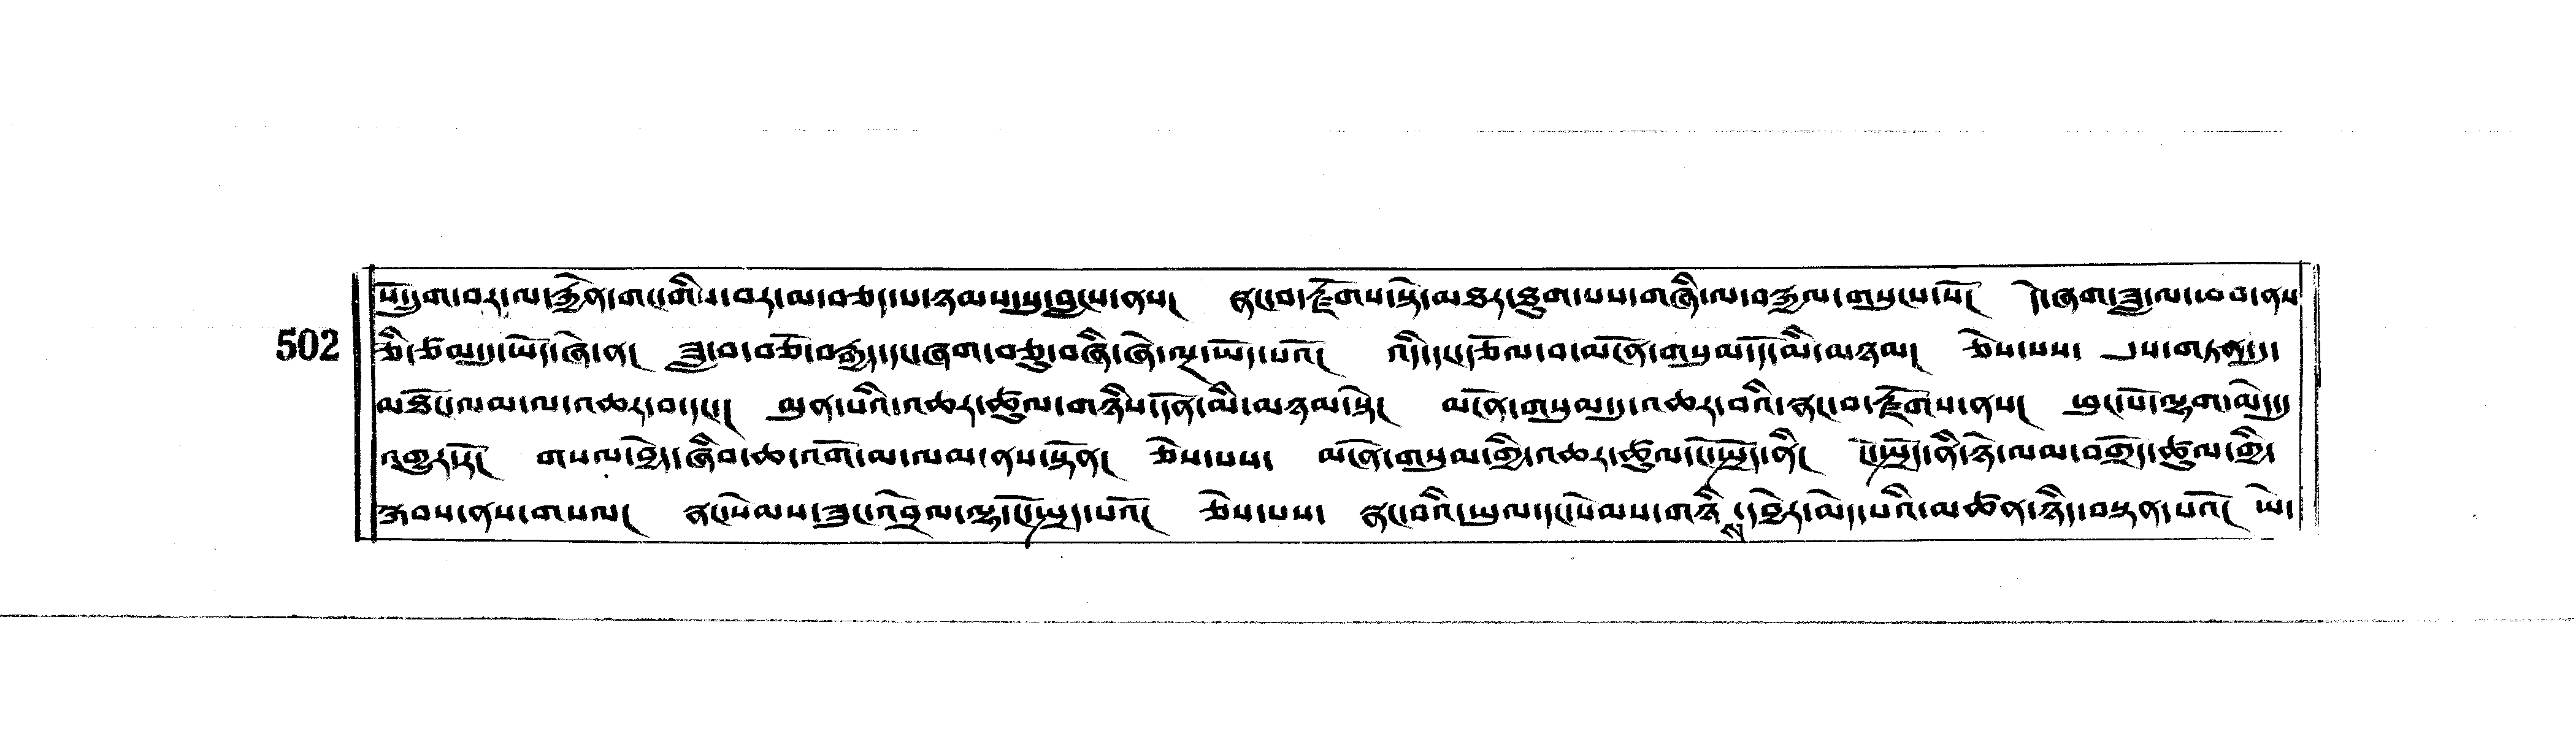བར་ལ་རྐྱེན་གང་གིས་བར་མ་བཅད་པར་ཉམས་སུ་བླང་ནས། སྣང་བ་རྫོགས་ནས་མཐར་ཐུག་པས་གཞི་ལ་བསྐྱལ་གསུངས་སོ། དེ་ཞག་ཟླ་ལ་ཕབ་ནས་
ཅི་ཙམ་དུ་ཡོད་ཅེ་ན། ཟླ་བ་བཅོ་བརྒྱད་དང་ཞག་བཅུ་བཞི་༼བཞི་བཅུ་༽ཞེ་ལྔ་ཡོད་པའོ། འདི་དང་རྩོལ་བ་མངོན་སུམ་དོ་མི་མཉམ། ཅེས་པས། དུས་གཏན་དུ་
མཐོང་ལམ་ལ་འཆར་བ་དང་། མུན་པའི་འཆར་ཚུལ་གཉིས་དོ་མི་མཉམ་སྟེ། མངོན་སུམ་དུ་འཆར་བའི་སྣང་བ་རྫོགས་ནས། ཕུང་པོ་ལྷག་མེད་དུ་
འགྱུར་རོ། གསལ་བྱེད་ཞིབ་ཆ་འོག་མ་ལམ་ནས་སྟོན། ཅེས་པས། མངོན་སུམ་གྱི་འཆར་ཚུལ་ངོ་སྤྲོད་ནི། ངོ་སྤྲོད་ནི་ཉེ་ལམ་བགྲོད་ཚུལ་གྱི་
སྐབས་ནས་གསལ། སྣང་སེམས་ཟུང་འབྲེལ་ལྷ་ངོ་སྤྲད་པའོ། ཅེས་པས། སྣང་བའི་ཡུལ་དང་སེམས་གཉིས་དབྱེར་མེད་པའི་མཚན་ཉིད་བསྟན་པའོ། ཡེ་